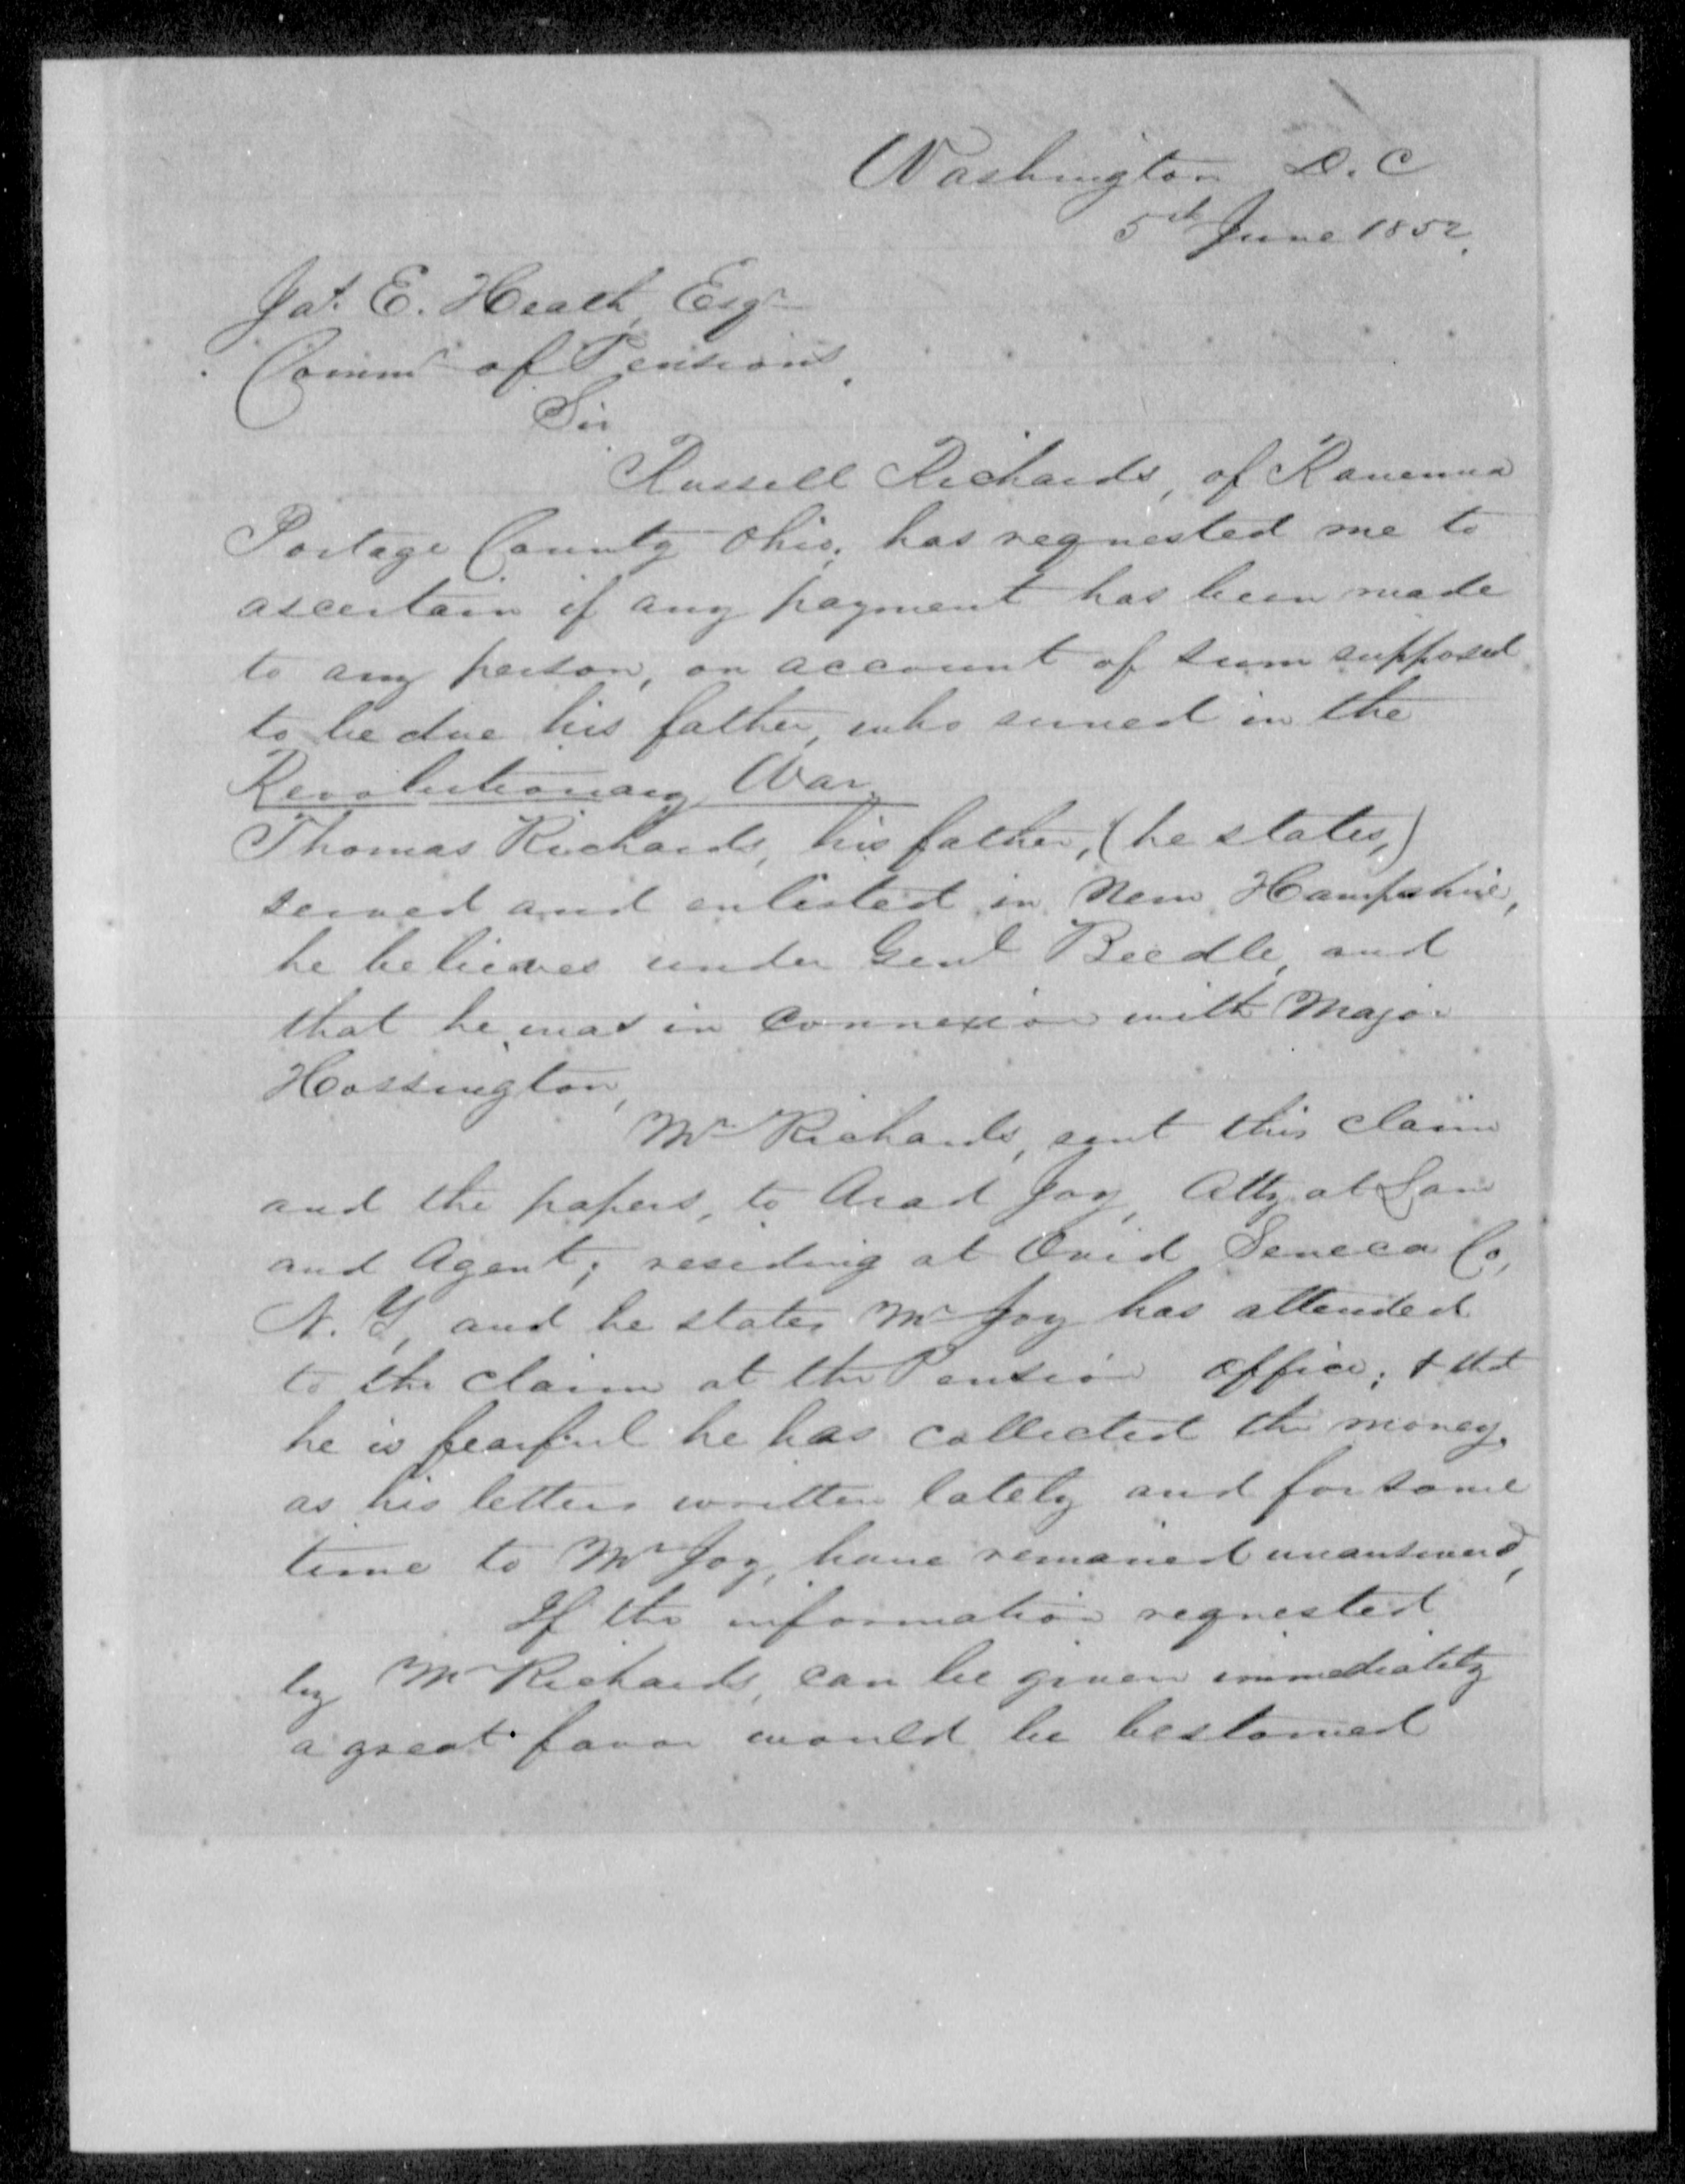Washington D.C.
5th June 1852
Jas. [JAMES] E. Heath, Esqr [ESQUIRE] 
Comm [COMMISSIONER] of Pensions
Sir
Russell Richards, of Ravenna Portage County Ohio, has requested me to ascertain if any payment has been made to any person, on account of sum supposed to be due his father, who served in the Revolutionary War
Thomas Richards, his father, (he states,)
served and enlisted in New Hampshire,
he believes under Genl [GENERAL] Beedle, and
that he was in connexcion [CONNECTION] with Major Hossington [HOISINGTON]
Mr Richards, sent this claim and the papers to Arad Joy, Atty [ATTORNEY] at Law and Agent; residing at said Seneca Co. [COUNTY] N. Y. and he states Mr Joy has attended to the claim at the Pension Office; & that
he is fearful he has collected the money, as his letter written lately and for same time to Mr Joy, have remain unanswered, If the information requested by Mr Richards, can be given immediately a great favor would be bestowed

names: Arad Joy; [BLANK] Hassington; [BLANK] Beedle; [BLANK] Joy; [BLANK] Richards; [BLANK] Joy; Jas E Heath; [BLANK] Richards; Thomas Richards; Russell Richards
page: 53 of 109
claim: widow's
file: W. 5709, for Thomas Richards, New Hampshire